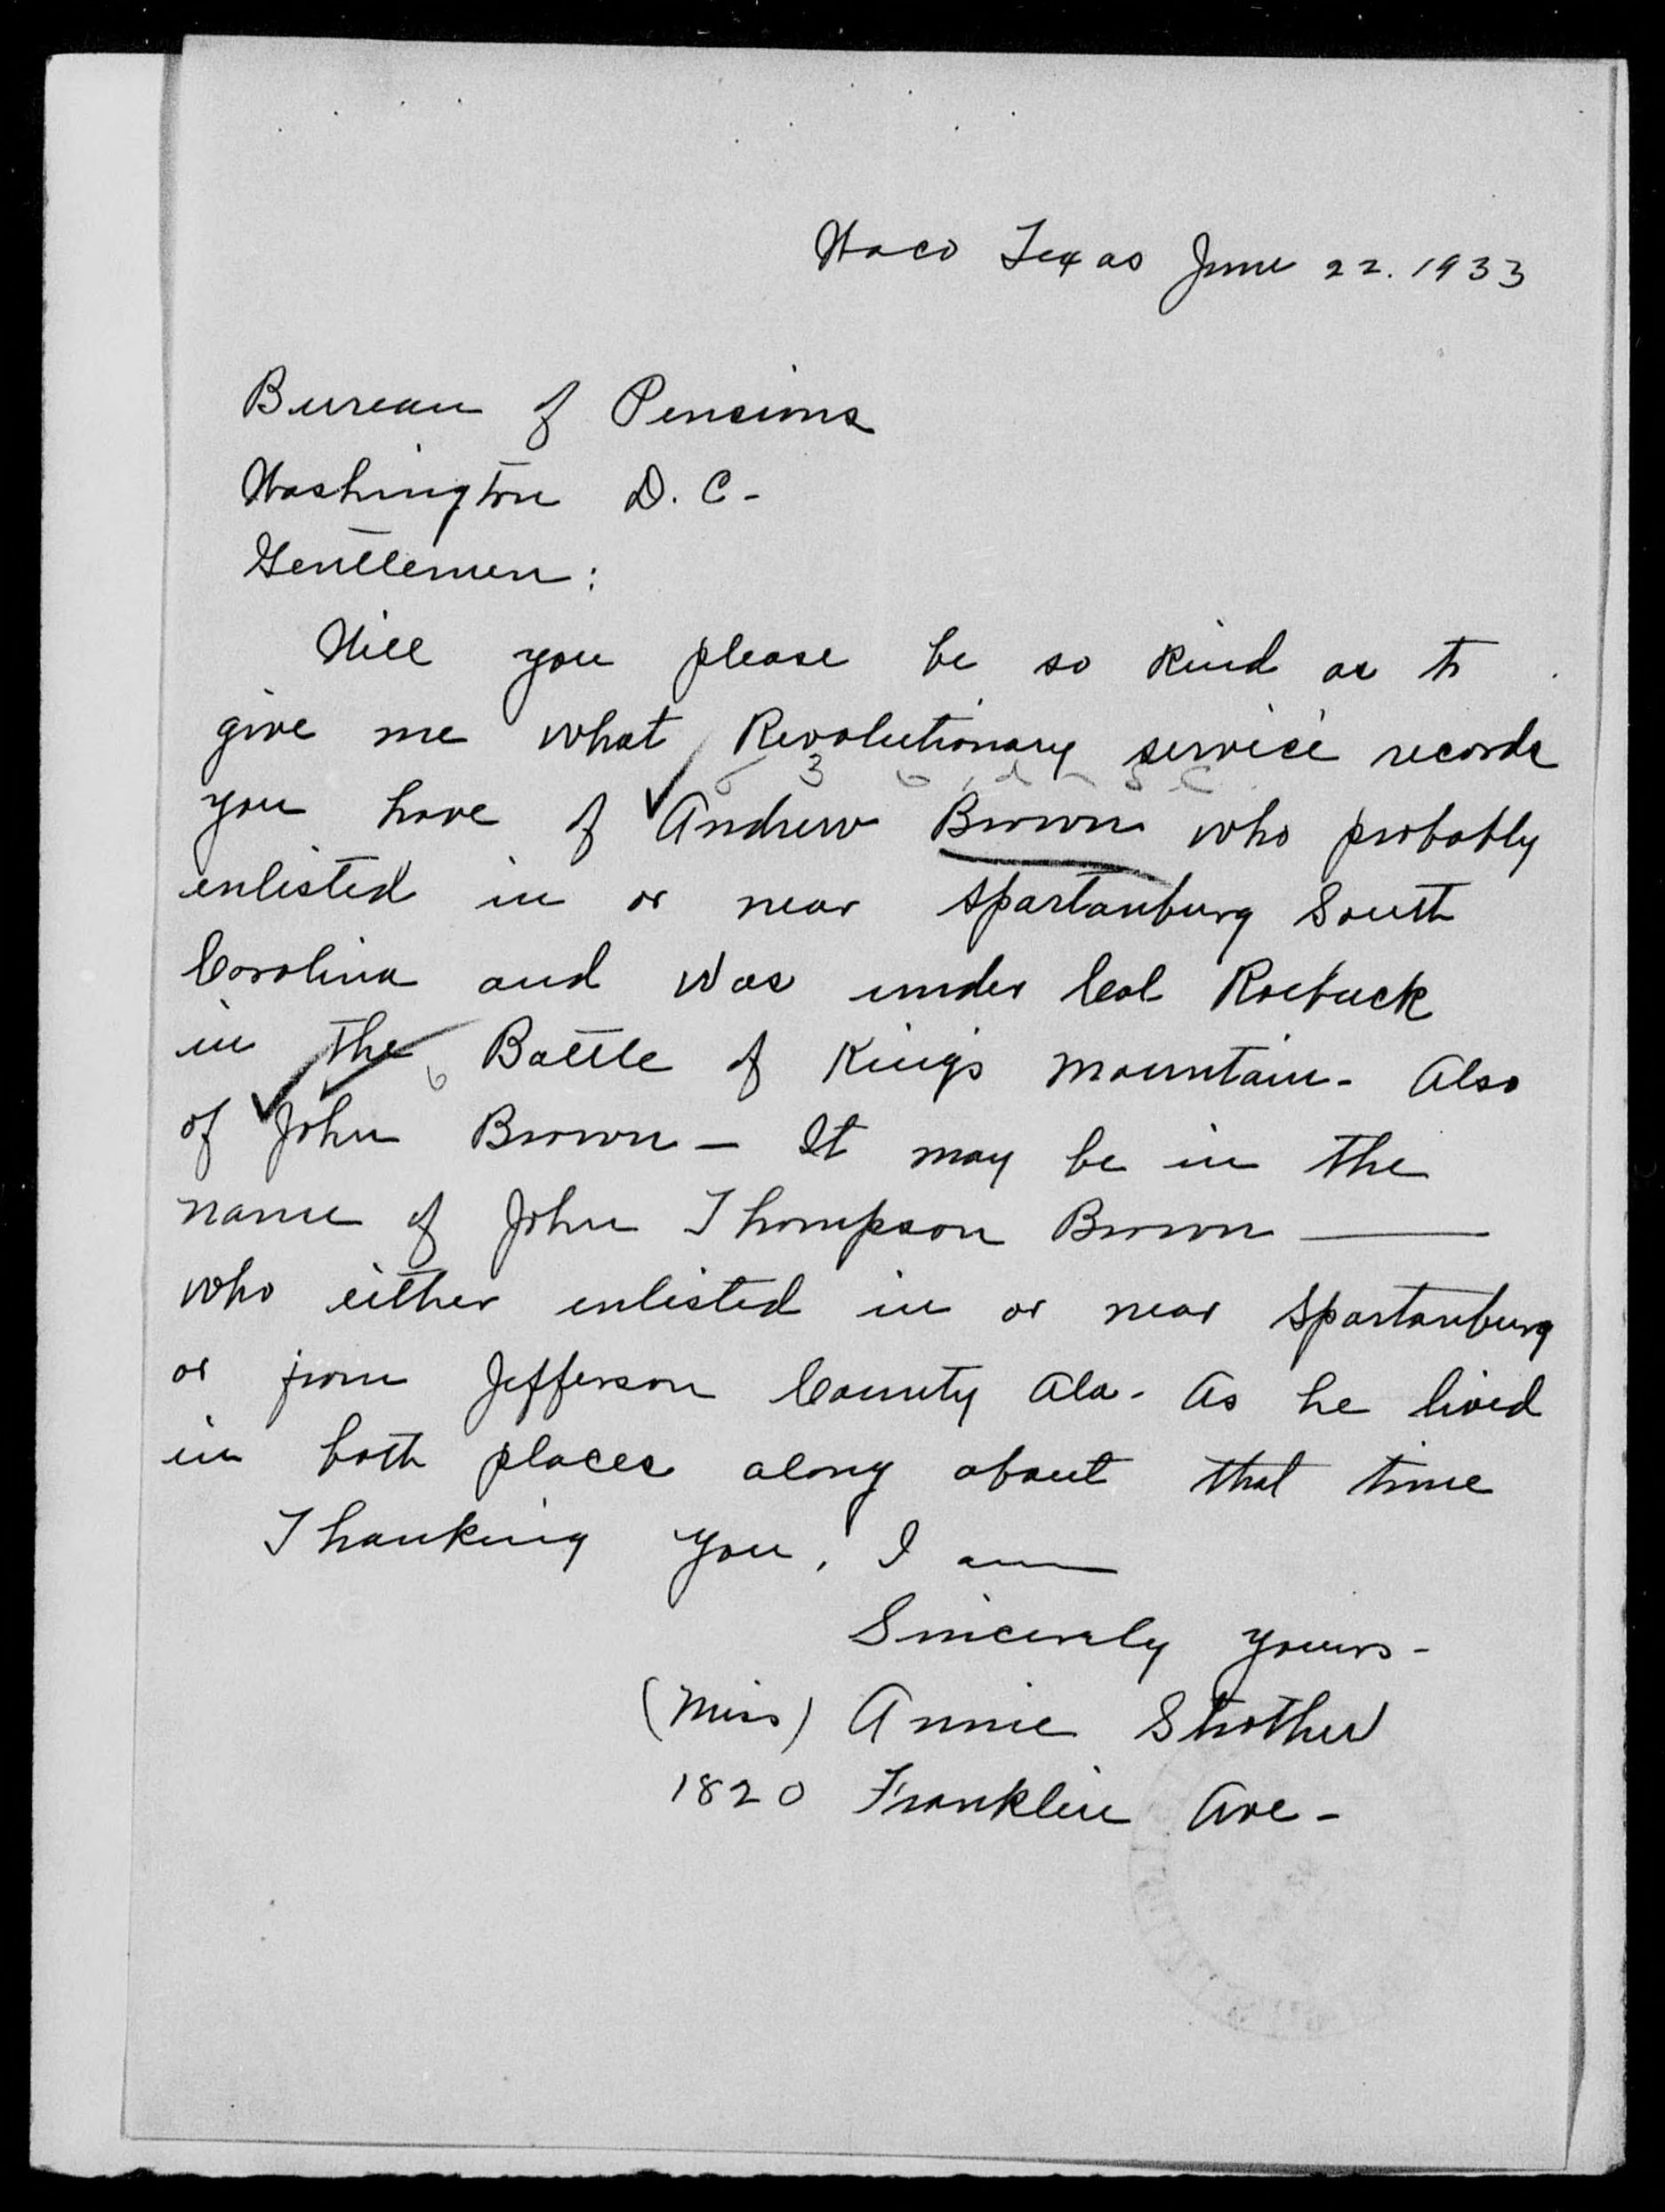Waco Texas June 22. 1933
Bureau of Pensions
Washington D.C.
Gentlemen
Will you please be so kind as to
give me what Revolutionary service records you have of Andrew Brown who probably enlisted in or near
Spartanburg South Carolina and was under Col Roebuck in the Battle of Kings Mountain.
Also of John Brown- It may be in the
name of John Thompson Brown who
either enlisted in or near Spartanburg
or from Jefferson County Ala. As he lived both places along about that time
Thanking you,
I am Sincerely Yours-
(Miss) Annie Strother
1820 Franklin Ave-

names: Andrew Brown, Annie Strother, John Brown, John Thompson Brown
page: 43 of 85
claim: widow's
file: W. 5,906, John Brown, S.C.